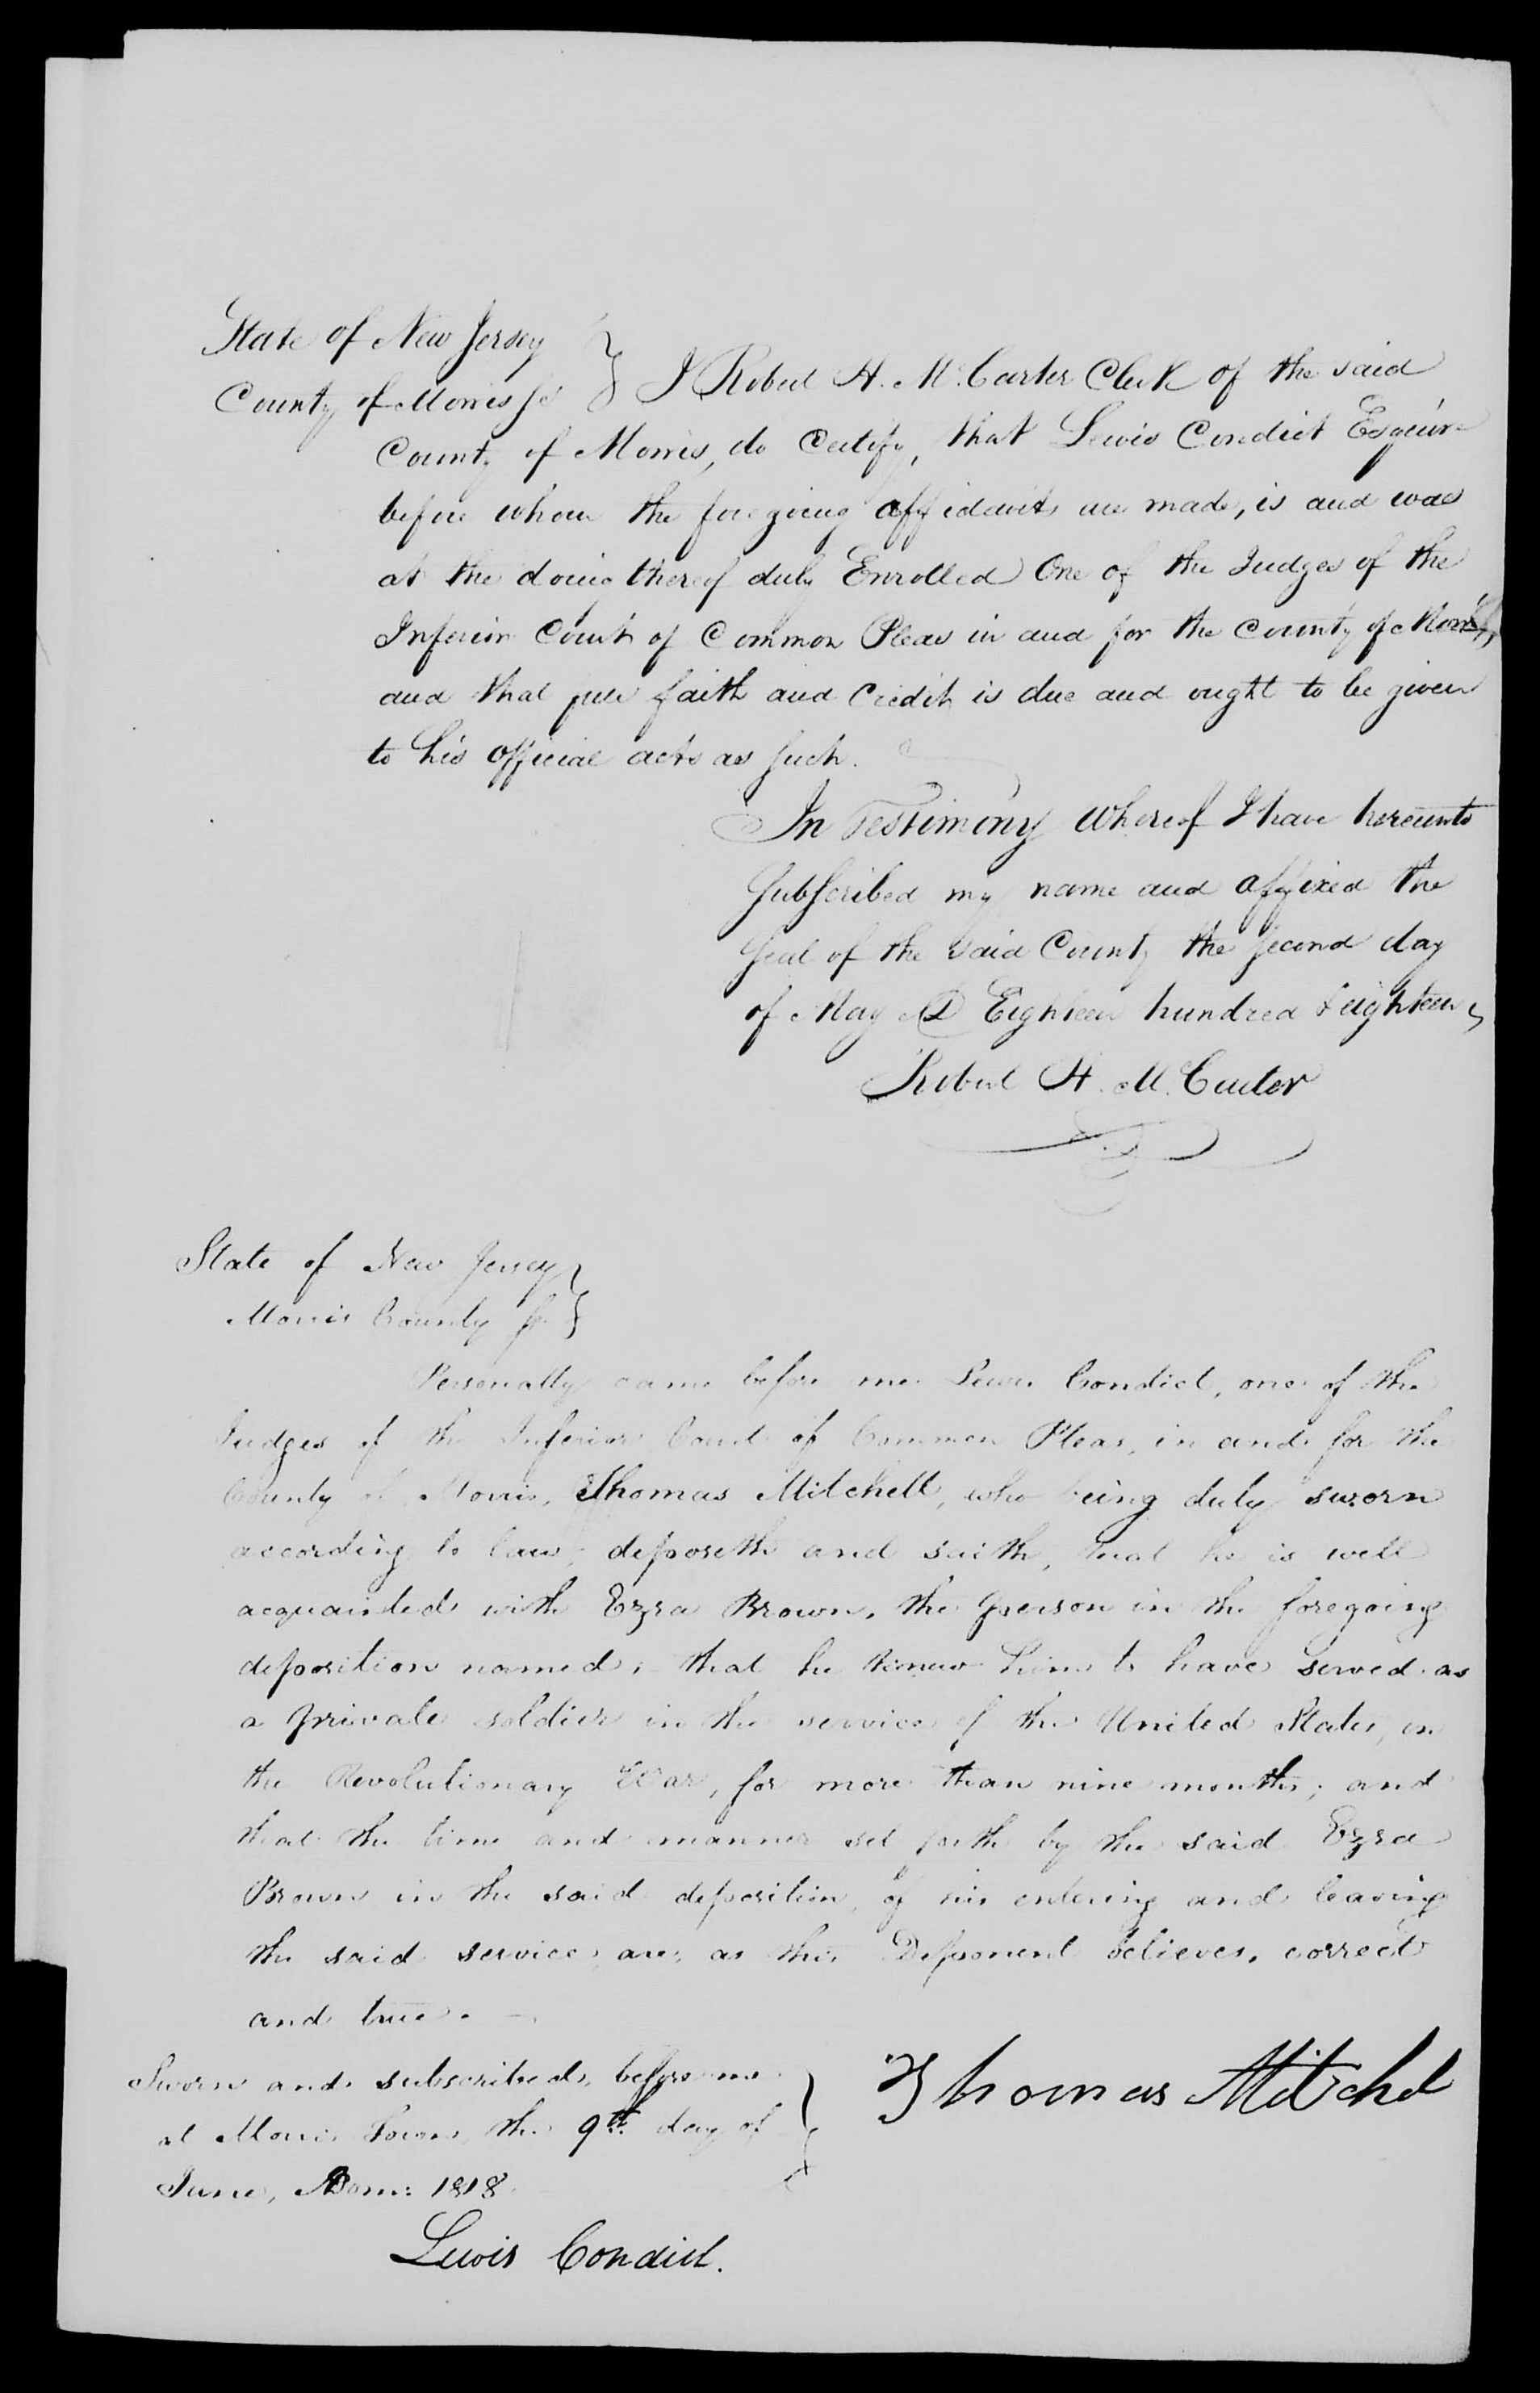State of New Jersey
County of Morris SS }  I Robert H. M. Carter Clerk of the said County of Morris, do certify, that Lewis Condict Esquire before whom the foregoing affidavits are made, is and was at the doing thereof duly Enrolled One of the Judges of the Inferior Court of Common Pleas in and for the County of Morris, and that full faith and credit is due and ought to be given to his official acts as such.

In Testimony whereof I have hereunto 
Subscribed my name and affixed the
Seal of the said Court, the second day
of May AD Eighteen hundred & eighteen

Robert H. M. Carter

State of New Jersey
Morris County ⎬
Personally came before me Lewis Condict, one of the Judges of the Inferior Court of Common Pleas in and for the County of Morris, Thomas Mitchell, who being duly sworn according to law deposeth and saith, that he is well acquainted with Ezra Brown, the person in the foregoing
deposition named; that he knew him to have served as a private soldier in the service of the United States, in the Revolutionary War, for more than nine months; and that the time and manner set forth by the said Ezra Brown in the said deposition of his entering and leaving
the said services are, as this Deponent believes, correct and true.

Thomas Mitchell

Sworn and subscribed before me
at Morris Town the 9th day of
June, Dom. 1818.

Lewis Condit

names: Lewis Condict, Thomas Mitchell, Thomas Mitchell, Ezra Brown, Lewis Condict, Lewis Condict, Ezra Brown, Robert H Mc Carter, Robert H Mc Carter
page: 6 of 27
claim: survivor's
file: S. 34,094, Ezra Brown, New Jersey